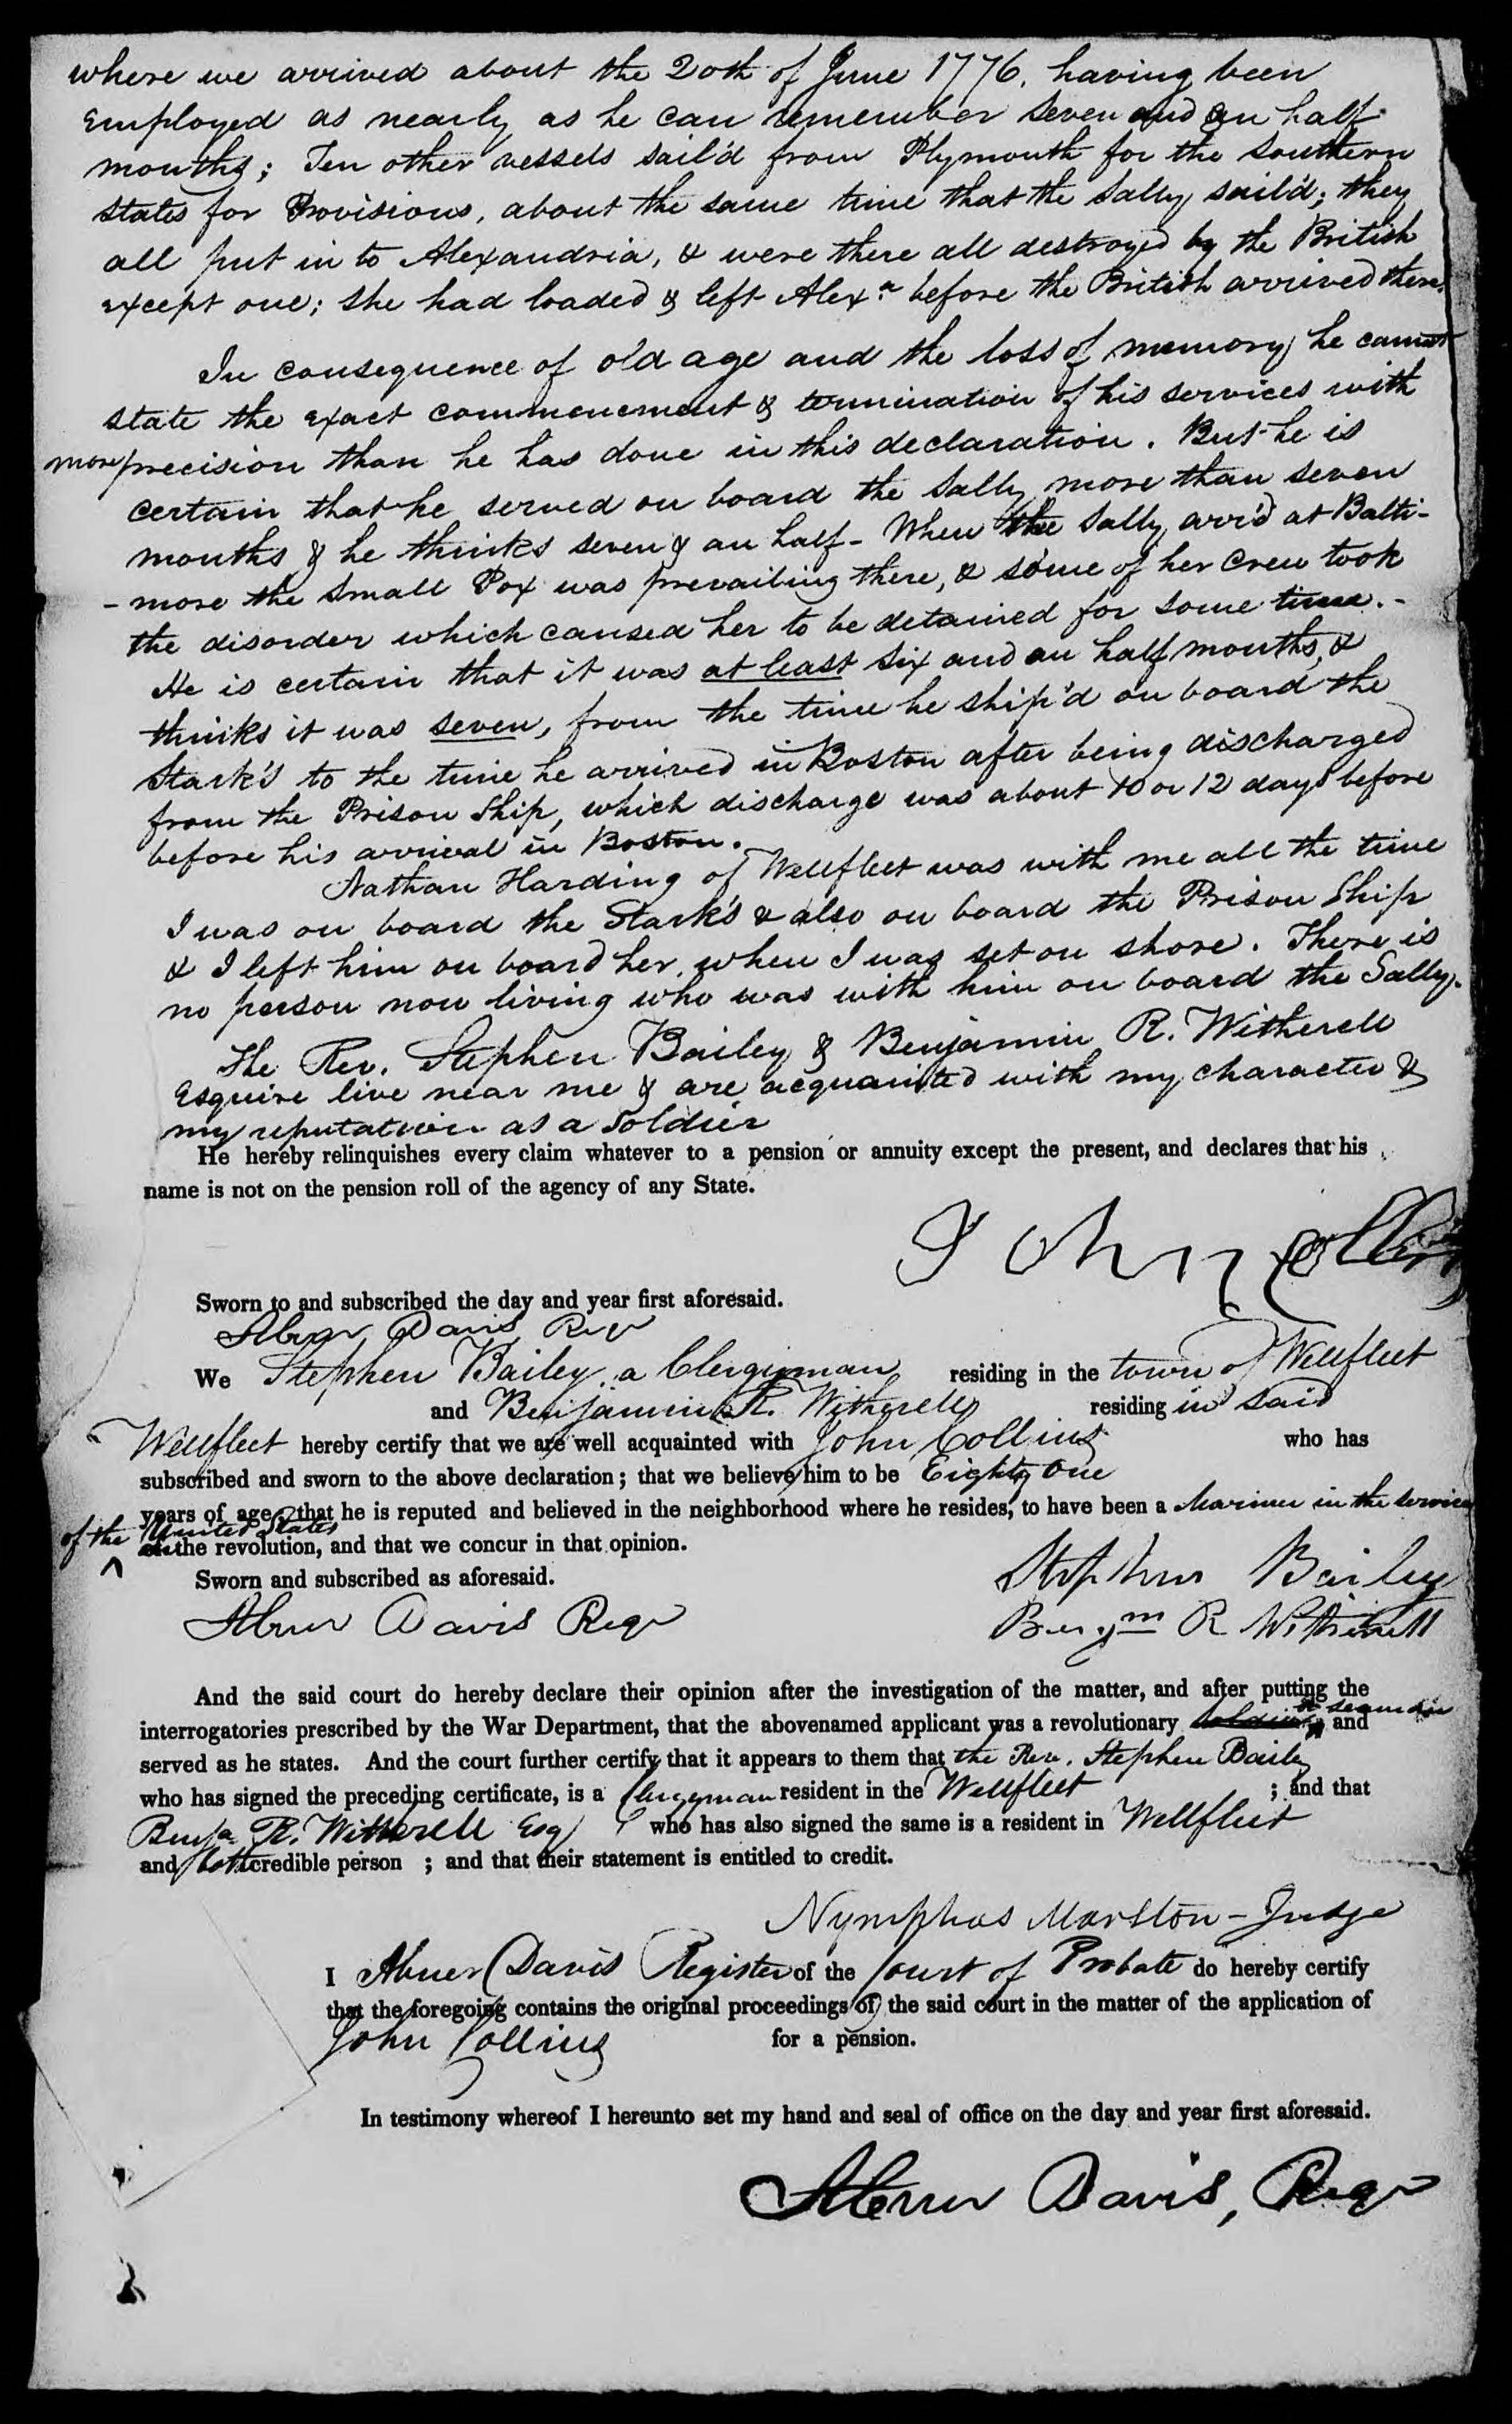where we arrived about the 20th of June 1776, having been employed as nearly as he can remember seven and an half  months; Ten other vessels sailed from Plymouth for the Southern States for provisions, about the same time that the Sally sailed; they all put in to Alexandria, & were there all destroyed by the British except one; she had loaded & left Alexa [Alexandria] before the British arrived there.
    In consequence of old age and the loss of memory he cannot state the exact commencement & termination of his services with more precision than he has done in this declaration. But he is certain that he served on board the Sally more than seven
months & he thinks seven & an half. When the Sally arrd'd [arrived] at Baltimore the Small Pox was prevailing there, & some of her crew took
the disorder which caused her to be detained for some time. He is certain that it was at least six and an half months & thinks it was seven, from the time he ship'd [shipped] on board the Stark's to the time he arrived in Boston after being discharged from the Prison Ship, which discharge was about 10 or 12 days before before [sic] his arrival in Boston.
   Nathan Harding of Wellfleet was with me all the time I was on board the Stark's & also on board the Prison ship & I left him on board her when I was set on shore. There is no person now living who was with him on board the Sally. The Rev. Stephen Bailey & Benjamin R Witherell Esquire live near me & are acquainted with my character & my reputation as a soldier
He hereby relinquishes every claim whatever to a pension or annuity except the present, and declares that his name is not on the pension roll of the agency of any State.
John Collins [signed]
Sworn to and subscribed the day and year first aforesaid.
Abner Davis Rev [signed]
 
We Stephen Bailey a Clergyman residing in the town of Wellfleet and Benjamin R. Witherell
residing in said Wellfleet hereby certify that we are well acquainted with John Collins
who has subscribed and sworn to the above declaration; that we believe him to be eighty one years of age that he is reputed and believed in the neighborhood where he resides, to have been a mariner in the service ^of the United States at the revolution, and that we concur in that opinion.
Sworn and subscribed as aforesaid.
Abner Davis Regr [signed]
Stephen Bailey [signed]
Benjn R Witherell [signed]
And the said court do hereby declare their opinion after the investigation of the matter, and after putting the interrogatories prescribed by the War Department, that the abovenamed applicant was a revolutionary [crossed out soldier] seaman and served as he states. And the court further certify that it appears to them that the Rev. Stephen Bailey
who has signed the preceding certificate, is a Clergyman resident in the Wellfleet
and that Benja R. Witherell Esq. who has also signed the same is a resident in Wellfleet
and both credible person; and that their statement is entitled to credit.
Nymphas Marston Judge [signed]
Abner Davis Register of the Court of Probate do hereby certify that the foregoing contains the original proceedings of the said court in the matter of the application of John Collins
for a pension.
In testimony whereof I hereunto set my hand and seal of office on the day and year first aforesaid.
Abner Davis Regr
{Paper Seal illegible]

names: John Collins, Nathan Harding, Abner Davis, Nymphus Marston, John Collins, Abner Davis, Abner Davis, John Collins, Benja R Witherell, Stephen Bailey, Benjamin R Witherell, Stephen Bailey, Stephen Bailey, Stephen Bailey, Abner Davis, Benjm R Witherell, Benjamin R Witherell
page: 4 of 43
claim: survivor's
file: S. 29,732, John Collins, Mass. Navy